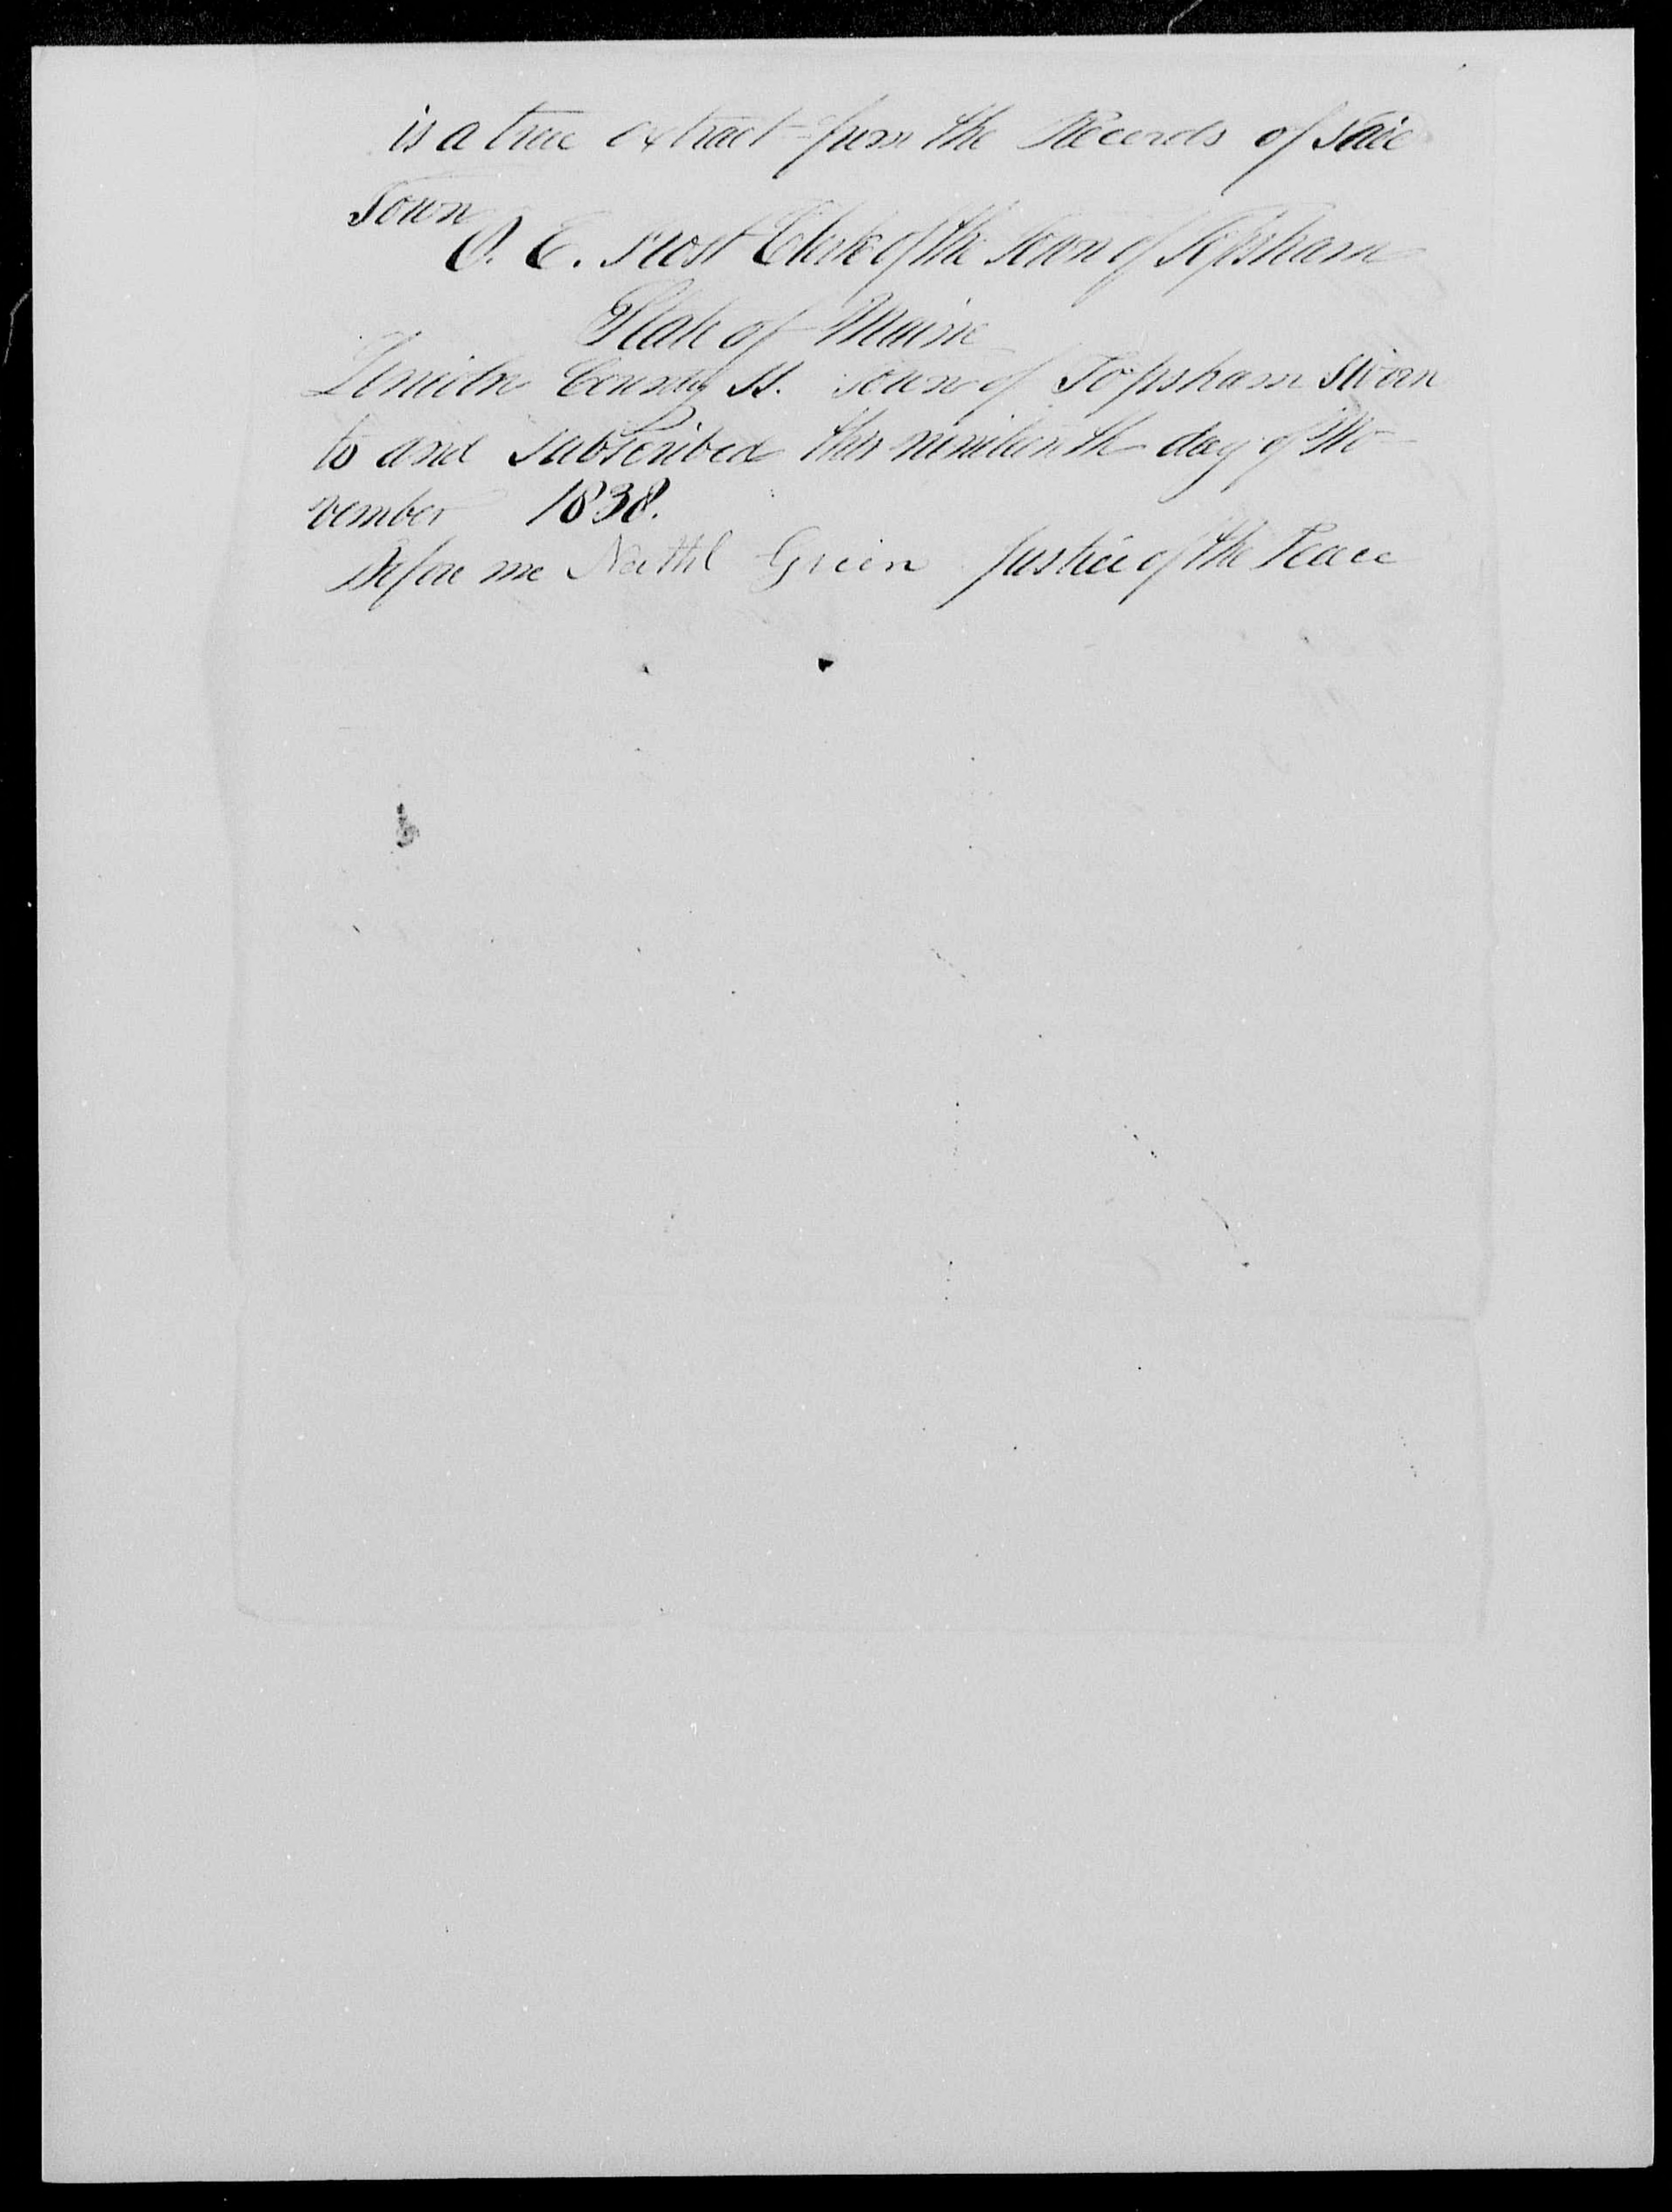is a true extract from the Records of said
Town
O. E. Frost Clerk of the Town of Topsham
State of Main
Lincoln County ss. Town of Topsham Main
to and subscribed this nineteenth day of 
December, 1838
Before me Nathl Green Justice of the Peace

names: O E Frost, Nathl Green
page: 16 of 39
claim: widow's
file: W. 23,621, Increase Blethen, Mass.